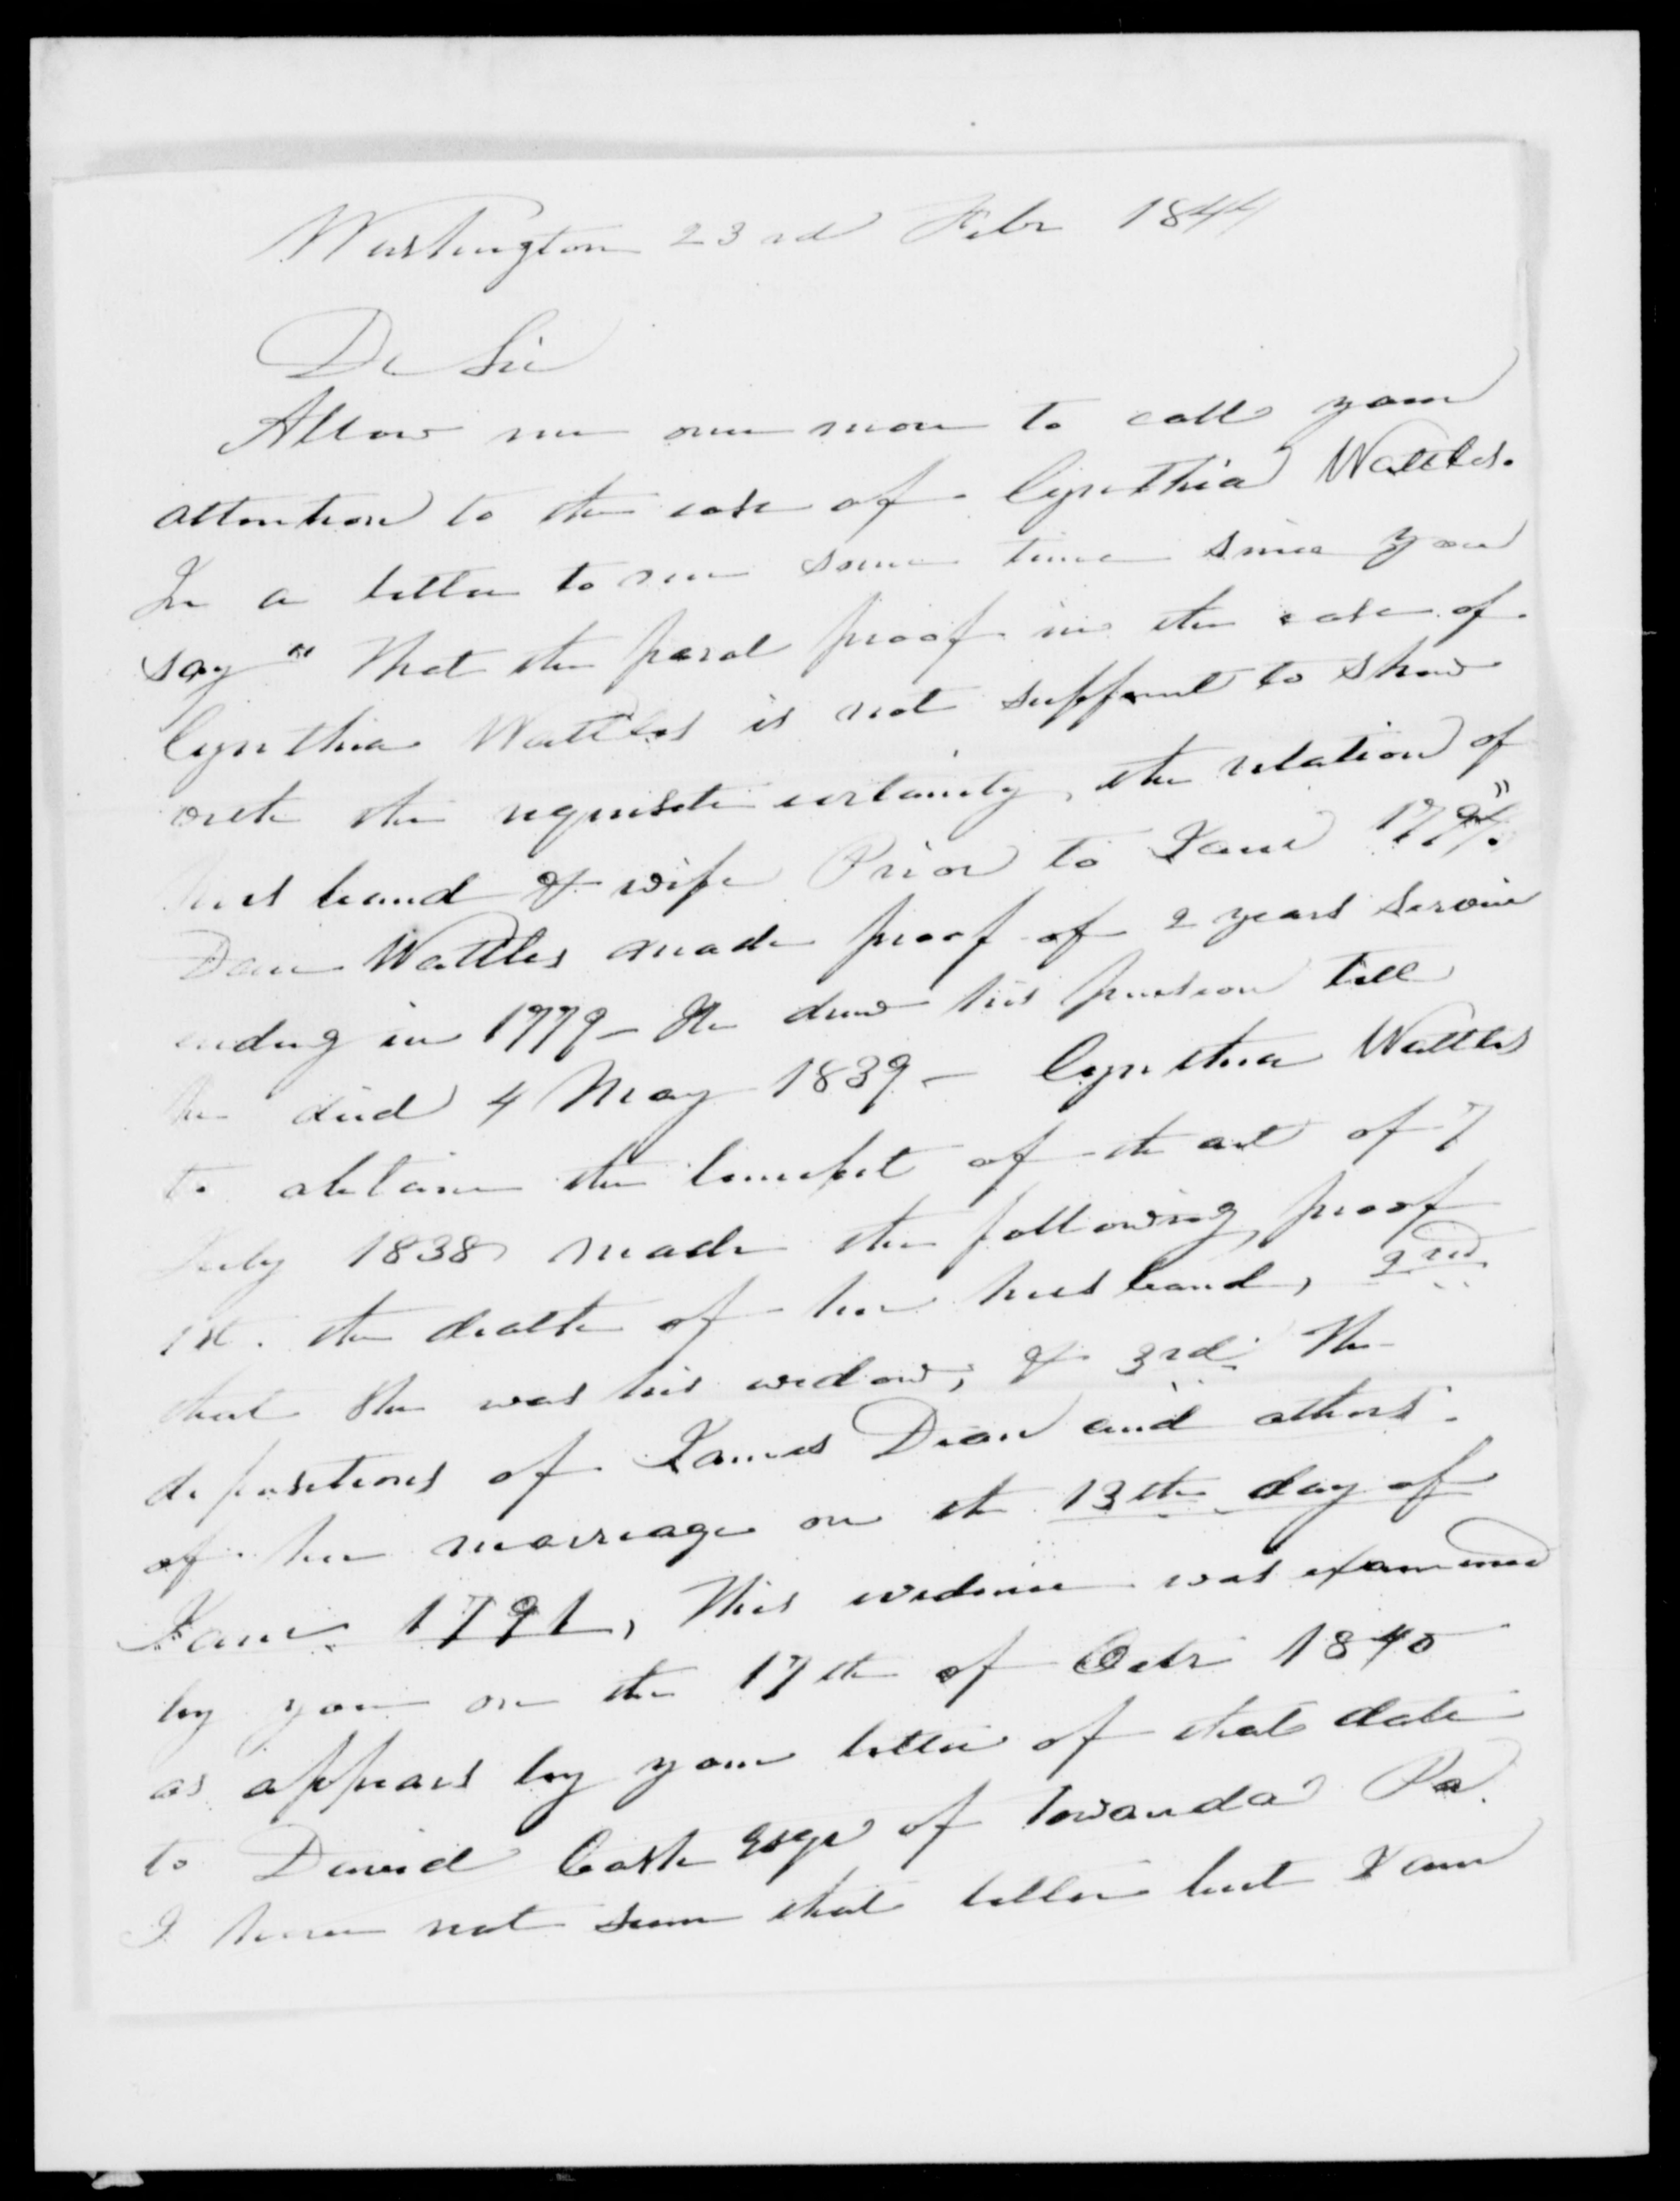Washington 23rd Febr 1844
Dr Sir
Allow me once more to call your attention to the case of Cynthia Wattles. In a letter to me some time since you say "that the final proof in the case of Cynthia Wattles is not sufficient to show with the requisite certainty, the relation of first hand of wife prior to June 1794." Dan Wattles made proof of 2 years Service ending in 1779 - he drew his pension till he died 4 May 1839- Cynthia Wattles to obtain the benefit of the act of 7 July 1838 made the following proof in the death of her husband, 2nd that she was his widow, & 3rd the depositions of James Dean and others of her marriage on the 13th day of Jan 1791, this widow was examined by you on the 17th of Oct 1840 as appears by your letter of that date to David Cash Esqr of Towanda Pa I have not seen that letter but I am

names: Prior, Cynthia Wattles, David Cash, Dan Wattles, James Dean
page: 34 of 70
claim: widow's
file: W. 3743, Dan Wattles, Conn.